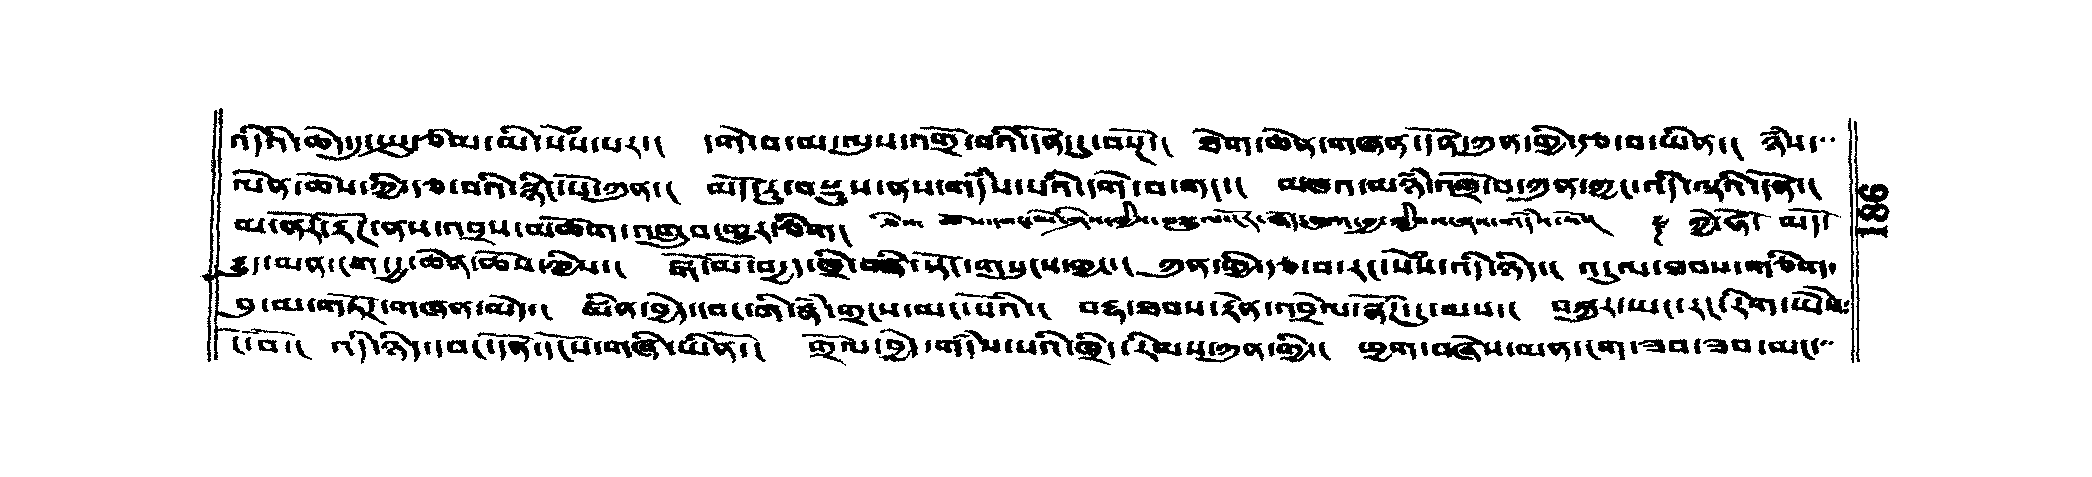འདིའི་ཆེད་དུ་སྤུ་ཙམ་མི་སེམས་པར། །དགེ་བ་མ་ལུས་འགྲོ་བའི་དོན་དུ་བསྔོ། །ཐེག་ཆེན་གཞན་དོན་ཀུན་གྱི་རྩ་བ་ཡིན། །ཉམས་
ལེན་ཆོས་ཀྱི་རྩ་བའི་སྙིང་པོ་ཀུན། །མདོ་རུ་བསྡུས་ནས་གདམས་པའི་དགེ་བ་གང་། །མཁའ་མཉམ་འགྲོ་བ་ཀུན་ཀྱང་འདི་ལྟའི་དོན། །
མ་ནོར་རྟོགས་ནས་འབྲས་མཆོག་འགྲུབ་གྱུར་ཅིགཅེས་ཆོས་དབང་ཡེ་ཤེས་ཀྱི་བསྐུལ་ངོར་རྒོད་ཕུག་བྱ་སྐྱིབས་ནས་གདམས་སོ།། ༈ ཀྱེ་ཧོ། མདོ་
རྒྱུད་མན་ངག་རྒྱ་ཆེན་ཆོས་ཀྱིས། །སྒོ་མོ་བརྒྱད་ཁྲི་བཞི་སྟོང་གསུངས་ཀྱང་། །ཀུན་གྱི་རྩ་བ་རང་སེམས་འདི་ཉིད། །འདུལ་ཐབས་གཅིག་
པུ་མ་གཏོགས་གཞན་མེད། །སྨིན་བྱེད་དབང་གི་རྣམ་གྲངས་མང་པོའི། །བརྡ་ཐབས་རྟེན་འབྲེལ་སྣ་ཚོགས་དུ་མས། །བསྐུར་ཡང་རང་རིག་ཡེ་ཤེས་
ངོ་བོ། །འདི་ཉིད་དབང་དོན་དངོས་གཞི་ཡིན་ནོ། །གྲོལ་བྱེད་གདམས་པའི་ཁྲིད་རིམ་ཀུན་གྱི། །ཕྱག་བཞེས་མན་ངག་ཟབ་ཟབ་མང་